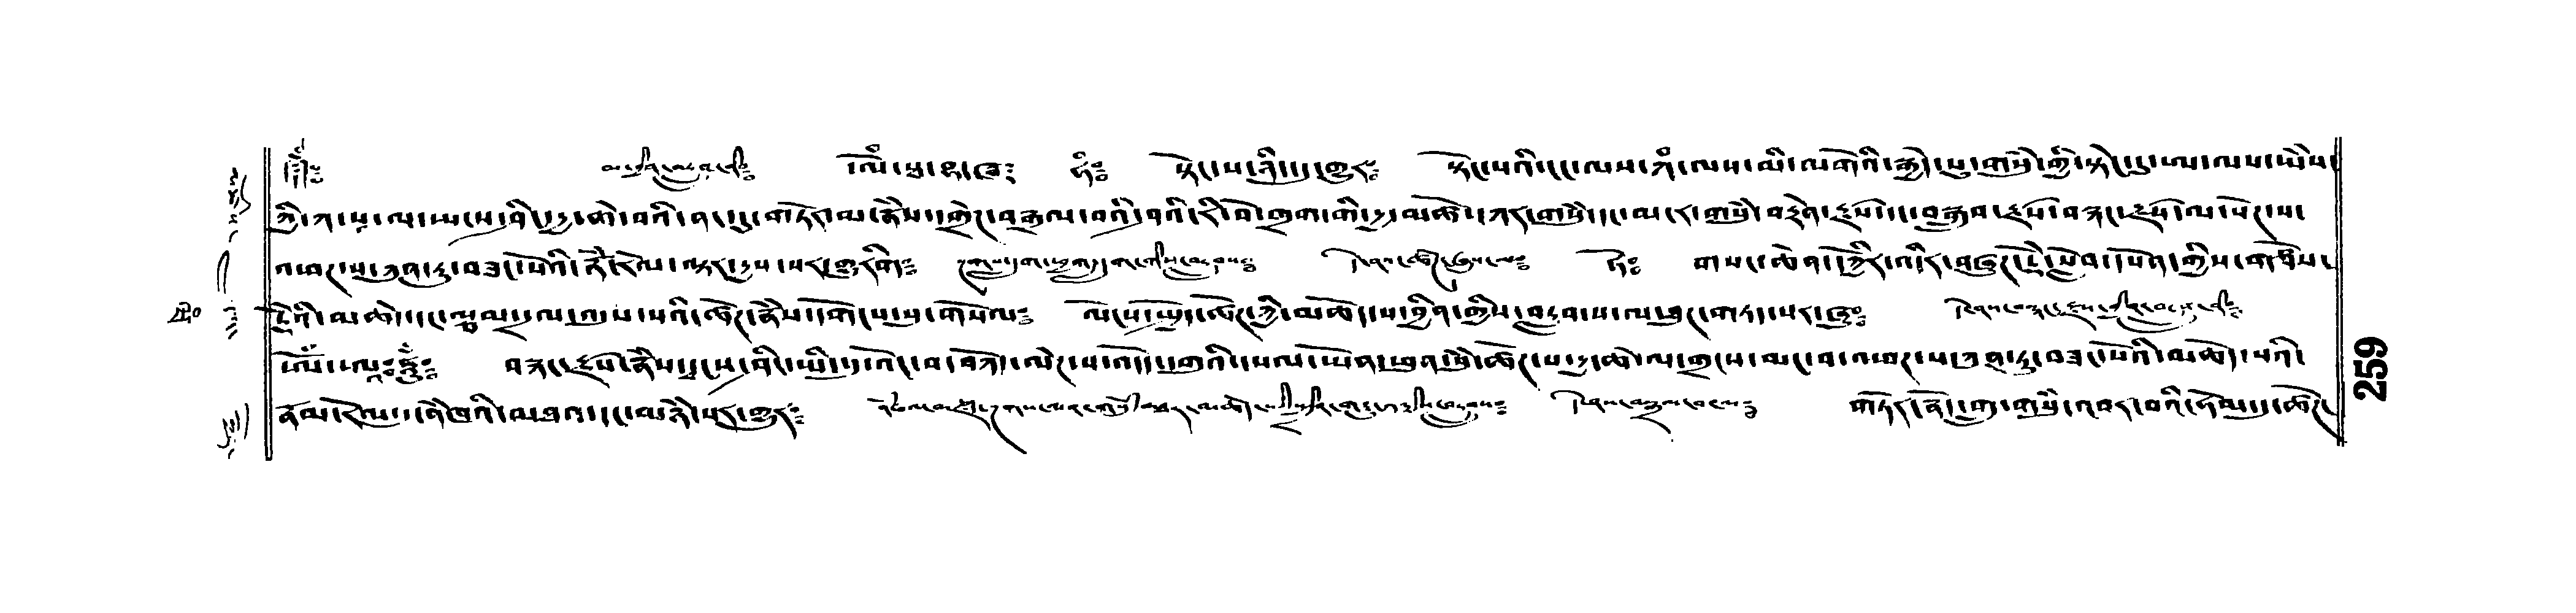མ་བྱིན་བརླབ་ནི༔ ཨོཾ་སྭ་བྷ་ཝ༴ ཧཾ༔ སྟོང་པ་ཉིད་དུ་གྱུར༔ སྟོང་པའི་ངང་ལས་ཀཾ་ལས་མི་མགོའི་སྒྱེད་པུ་གསུམ་གྱི་སྟེང་དུ་ཨ་ལས་ཡེ་ཤེས་
ཀྱི་ཀ་པཱ་ལ་ཡངས་ཤིང་རྒྱ་ཆེ་བའི་ནང་དུ་གཏོར་མ་རྣམས་དགྲ་བགེགས་བསྒྲལ་བའི་ཤའི་རི་བོ་ཁྲག་གི་རྒྱ་མཚོ་དཀར་གསུམ་དང་མངར་གསུམ་བརྟེན་རྫས་དང་བསྒྲུབ་རྫས་བསྐང་རྫས་ལ་སོགས་པ་
འཕགས་པ་ཀུན་ཏུ་བཟང་པོའི་རྣམ་རོལ་ལྟར་རྒྱས་པར་གྱུར་ཅིག༔ སྔགས་དྲུག་ཕྱག་དྲུག་གིས་བརླབས༔ དེ་ནས་ཚོགས་ཞུས་ལ༔ ཧོཿ གསང་ཆེན་དཀྱིལ་འཁོར་འདིར་བཞུགས་རྡོ་རྗེ་སློབ་དཔོན་གྱིས་གཙོས་
རྡོ་རྗེའི་མཆེད་དང་ལྕམ་དྲལ་འདུས་པའི་ཚོགས་རྣམས་དགོངས་སུ་གསོལ༔ ལོངས་སྤྱོད་ཚོགས་ཀྱི་མཆོད་པ་བྱིན་གྱིས་རློབ་པ་ལ་ཐུགས་གཏད་པར་ཞུ༔ དེ་ནས་བསྐང་རྫས་བྱིན་བརླབ་ནི༔ 
ཨོཾ་ཨཱཿཧཱུྃ༔ བསྐང་རྫས་རྣམས་དྭངས་ཤིང་ཡིད་དུ་འོང་བ་བཀོད་ལེགས་པ་འདོད་དགུའི་དཔལ་ཡོན་ཕུན་སུམ་ཚོགས་པ་རྒྱ་ཆེ་ལ་གྲངས་མང་བ་འཕགས་པ་ཀུན་ཏུ་བཟང་པོའི་མཆོད་པའི་
རྣམ་རོལ་དུ་ནམ་མཁའི་མཐའ་དང་མཉམ་པར་གྱུར༔ ནམ་མཁའ་མཛོད་སྔགས་ལན་གསུམ་མཐར་མཆོད་པའི་སྤྲིན་གཟུངས་ཀྱིས་བརླབས༔ དེ་ནས་བསྒྲལ་བ་ལ༔ གཏོར་སྣོད་གྲུ་གསུམ་འབར་བའི་ཧོམ་དུ་ཚོགས་